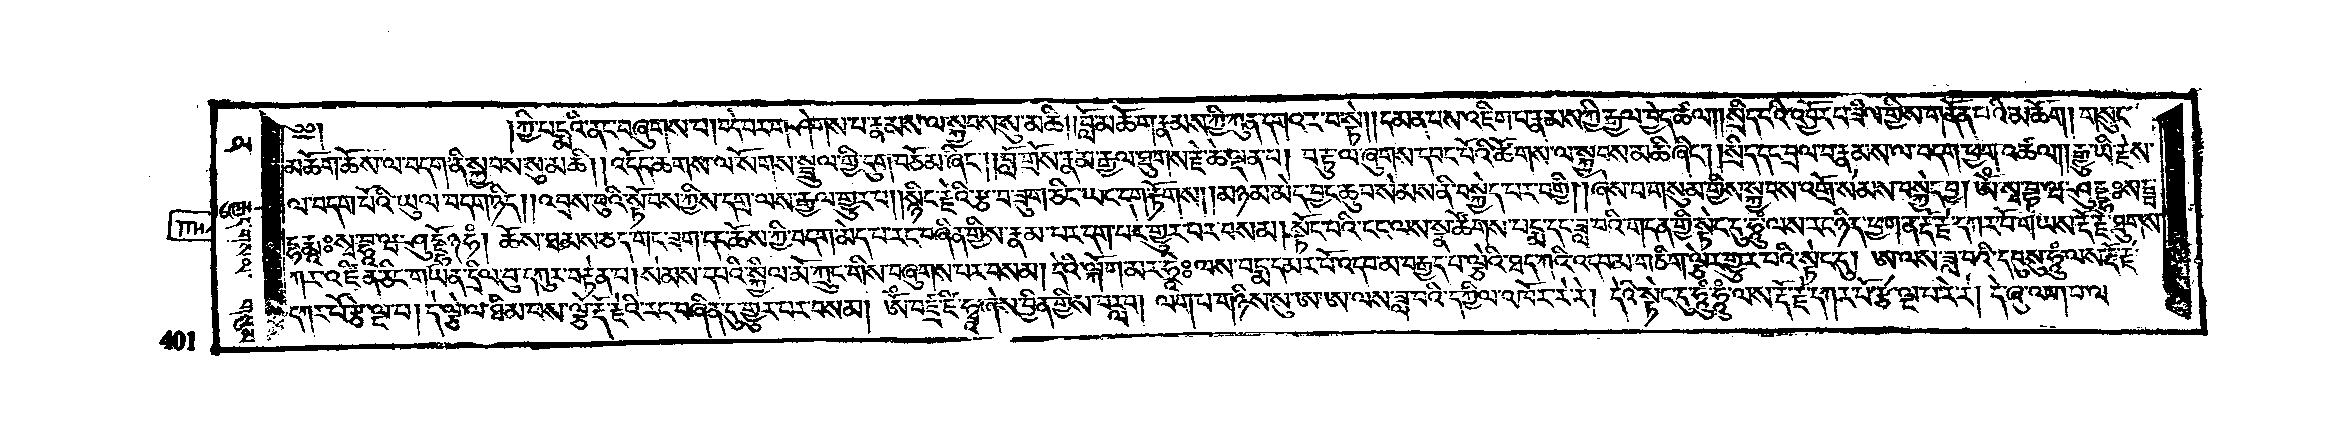༄༅། །ཀྱི་པདམའི་ནང་བཞུགས་པ། བདེ་བར་གཤེགས་པ་རྣམས་ལ་སྐྱབས་སུ་མཆི། །བློ་མཆོག་རྣམས་ཀྱི་ཀུན་དགའ་ར་བ་སྟེ། །དམན་པས་འཇིག་པ་རྣམས་ཀྱི་རྒྱལ་བྱེད་ཚལ། །སྲིད་པའི་འབྱོར་བ་ཟིལ་གྱིས་གནོན་པའི་མཆོག །གསུང་
མཆོག་ཆོས་ལ་བདག་ནི་སྐྱབས་སུ་མཆི། །འདོད་ཆགས་ལ་སོགས་སྦྲུལ་གྱི་དུག་བཅོམ་ཞིང་། །བློ་གྲོས་རྣམ་རྒྱལ་ཐུགས་རྗེ་ཆེ་ལྡན་པ། བརྟུལ་ཞུགས་དབང་པོའི་ཚོགས་ལ་སྐྱབས་མཆི་ཞིང་། །སྲིད་དང་བྲལ་བ་རྣམས་ལ་བདག་ཕྱག་འཚལ། །རྒྱུ་ཡི་རྗེས་
ལ་བདག་པོའི་ཡུལ་བདག་ཉིད། །འབྲས་བུའི་སྟོབས་ཀྱིས་དགྲ་ལས་རྒྱལ་གྱུར་པ། །སྙིང་རྗེའི་རྩ་བ་ཟུག་ཅིང་ཡང་དག་རྟོགས། །མཉམ་མེད་བྱང་ཆུབ་སེམས་ནི་བསྐྱེད་པར་བགྱི། །ཞེས་པ་གསུམ་གྱིས་སྐྱབས་འགྲོ་སེམས་བསྐྱེད་བྱ། ཨོཾ་སྭཱ་བྷཱ་ཝ་ཤུདྡྷཿ སརྦྦ་
དྷརྨཱཿ སྭ་བྷཱ་ཝ་ཤུདྡྷོ་ཉཧཾ། ཆོས་ཐམས་ཅད་གང་ཟག་དང་ཆོས་ཀྱི་བདག་མེད་པ་རང་བཞིན་གྱིས་རྣམ་པར་དག་པར་གྱུར་པར་བསམ། སྟོང་པའི་ངང་ལས་སྣ་ཚོགས་པདམ་དང་ཟླ་བའི་གདན་གྱི་སྟེང་དུ་ཧཱུཾ་ལས་རང་ཉིད་ཕྱག་ན་རྡོ་རྗེ་དཀར་པོ་གཡས་རྡོ་རྗེ་ཐུགས་
ཀར་འཛིན་ཅིང་གཡོན་དྲིལ་བུ་དཀུར་བརྟེན་པ། སེམས་དཔའི་སྐྱིལ་མོ་ཀྲུང་གིས་བཞུགས་པར་བསམ། དེའི་ལྐོག་མར་ཧྲཱིཿ ལས་པདམ་དམར་པོ་འདབ་མ་བརྒྱད་པ་ལྕེའི་ཐད་ཀའི་འདབ་མ་གཅིག་ལྕེར་གྱུར་པའི་སྟེང་དུ། ཨ་ལས་ཟླ་བའི་དབུས་སུ་ཧཱུཾ་ལས་རྡོ་རྗེ་
དཀར་པོ་རྩེ་ལྔ་པ། དེ་ལྕེ་ལ་ཐིམ་པས་ལྕེ་རྡོ་རྗེའི་རང་བཞིན་དུ་གྱུར་པར་བསམ། ཨོཾ་བཛྲ་ཛི་ཧྭཱ་ཞེས་བྱིན་གྱིས་བརླབ། ལག་པ་གཉིས་སུ་ཨ་ཨ་ལས་ཟླ་བའི་དཀྱིལ་འཁོར་རེ་རེ། དེའི་སྟེང་དུ་ཧཱུཾ་ཧཱུཾ་ལས་རྡོ་རྗེ་དཀར་པོ་རྩེ་ལྔ་པ་རེ་རེ། དེ་ཞུ་ལག་པ་ལ་